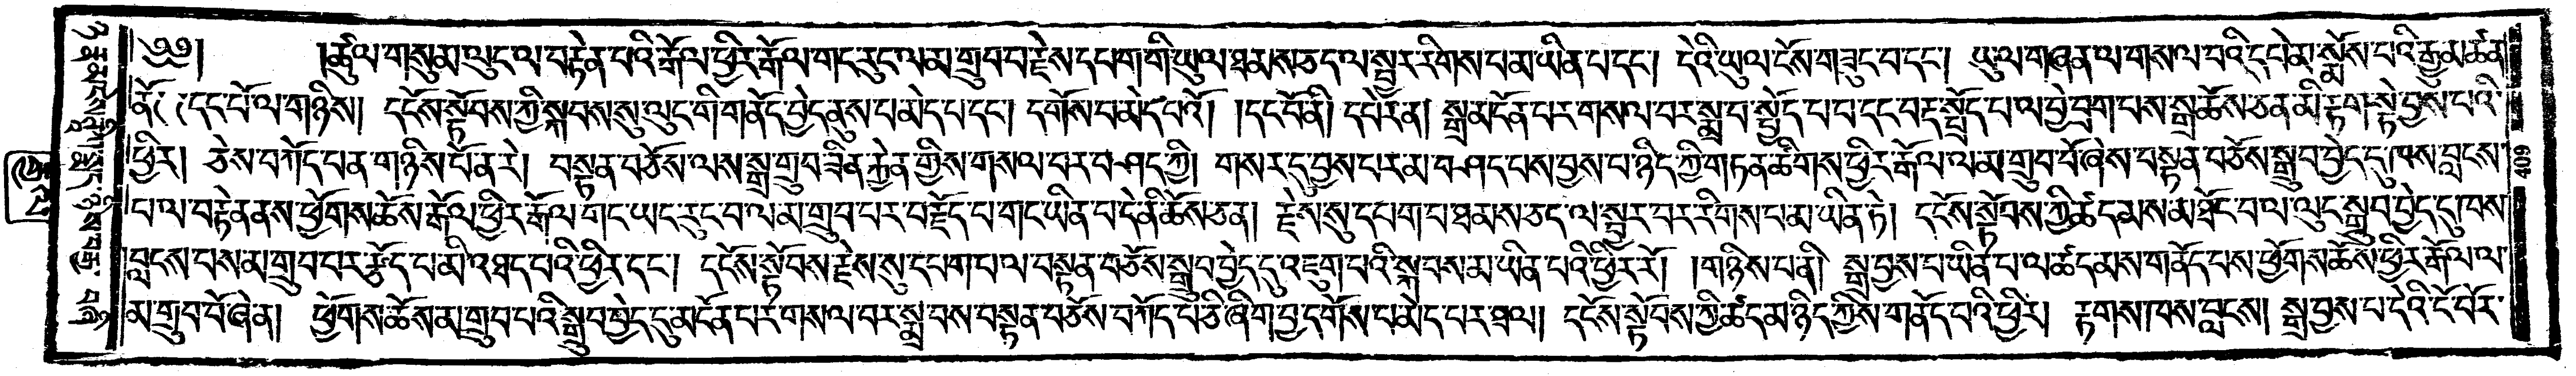༄༅། །ཚུལ་གསུམ་ལུང་ལ་བརྟེན་པའི་རྒོལ་ཕྱིར་རྒོལ་གང་རུང་ལ་མ་གྲུབ་བ་རྗེས་དཔག་གི་ཡུལ་ཐམས་ཅད་ལ་སྦྱར་རིགས་པ་མ་ཡིན་པ་དང་། དེའི་ཡུལ་ངོས་གཟུང་བ་དང་། ཡུལ་གཞན་ལ་གསལ་བའི་དཔེ་མ་སྨོས་པའི་རྒྱུ་མཚན་
ནོ༑ ༑དང་པོ་ལ་གཉིས། དངོས་སྟོབས་ཀྱི་སྐབས་སུ་ལུང་གི་གནོད་བྱེད་ནུས་པ་མེད་པ་དང་། དགོས་པ་མེད་པའོ། །དང་པོ་ནི། དཔེར་ན། སྒྲ་མངོན་པར་གསལ་བར་སྨྲ་བ་སྤྱོད་པ་བ་དང་བརྡ་སྤྲོད་པ་ལ་བྱེ་བྲག་པས་སྒྲ་ཆོས་ཅན་མི་རྟག་སྟེ་བྱས་པའི་
ཕྱིར། ཅེས་བཀོད་པ་ན་གཉིས་པོ་ན་རེ། བསྟན་བཅོས་ལས་སྒྲ་གྲུབ་ཟིན་རྐྱེན་གྱིས་གསལ་བར་བཤད་ཀྱི། གསར་དུ་བྱས་པར་མ་བཤད་པས་བྱས་པ་ཉིད་ཀྱི་གཏན་ཚིགས་ཕྱིར་རྒོལ་ལ་མ་གྲུབ་པོ་ཞེས་བསྟན་བཅོས་སྒྲུབ་བྱེད་དུ་ཁས་བླངས་
པ་ལ་བརྟེན་ནས་ཕྱོགས་ཆོས་རྒོལ་ཕྱིར་རྒོལ་གང་ཡང་རུང་བ་ལ་མ་གྲུབ་པར་བརྗོད་པ་གང་ཡིན་པ་དེ་ནི་ཆོས་ཅན། རྗེས་སུ་དཔག་བ་ཐམས་ཅད་ལ་སྦྱར་བར་རིགས་པ་མ་ཡིན་ཏེ། དངོས་སྟོབས་ཀྱི་ཚད་མས་མཐོང་བ་ལ་ལུང་སྒྲུབ་བྱེད་དུ་ཁས་
བླངས་པས་མ་གྲུབ་པར་རྩོད་པ་མི་འཐད་པའི་ཕྱིར་དང་། དངོས་སྟོབས་རྗེས་སུ་དཔག་པ་ལ་བསྟན་བཅོས་སྒྲུབ་བྱེད་དུ་འཇུག་པའི་སྐབས་མ་ཡིན་པའི་ཕྱིར་རོ། །གཉིས་པ་ནི། སྒྲ་བྱས་པ་ཡིན་པ་ལ་ཚད་མས་གནོད་པས་ཕྱོགས་ཆོས་ཕྱིར་རྒོལ་ལ་
མ་གྲུབ་བོ་ཞེ་ན། ཕྱོགས་ཆོས་མ་གྲུབ་པའི་སྒྲུབ་བྱེད་དུ་མངོན་པར་གསལ་བར་སྨྲ་བས་བསྟན་བཅོས་བཀོད་པ་ཅི་ཞིག་བྱ་དགོས་པ་མེད་པར་ཐལ། དངོས་སྟོབས་ཀྱི་ཚད་མ་ཉིད་ཀྱིས་གནོད་པའི་ཕྱིར། རྟགས་ཁས་བླངས། སྒྲ་བྱས་པ་དེའི་ངོ་བོར་